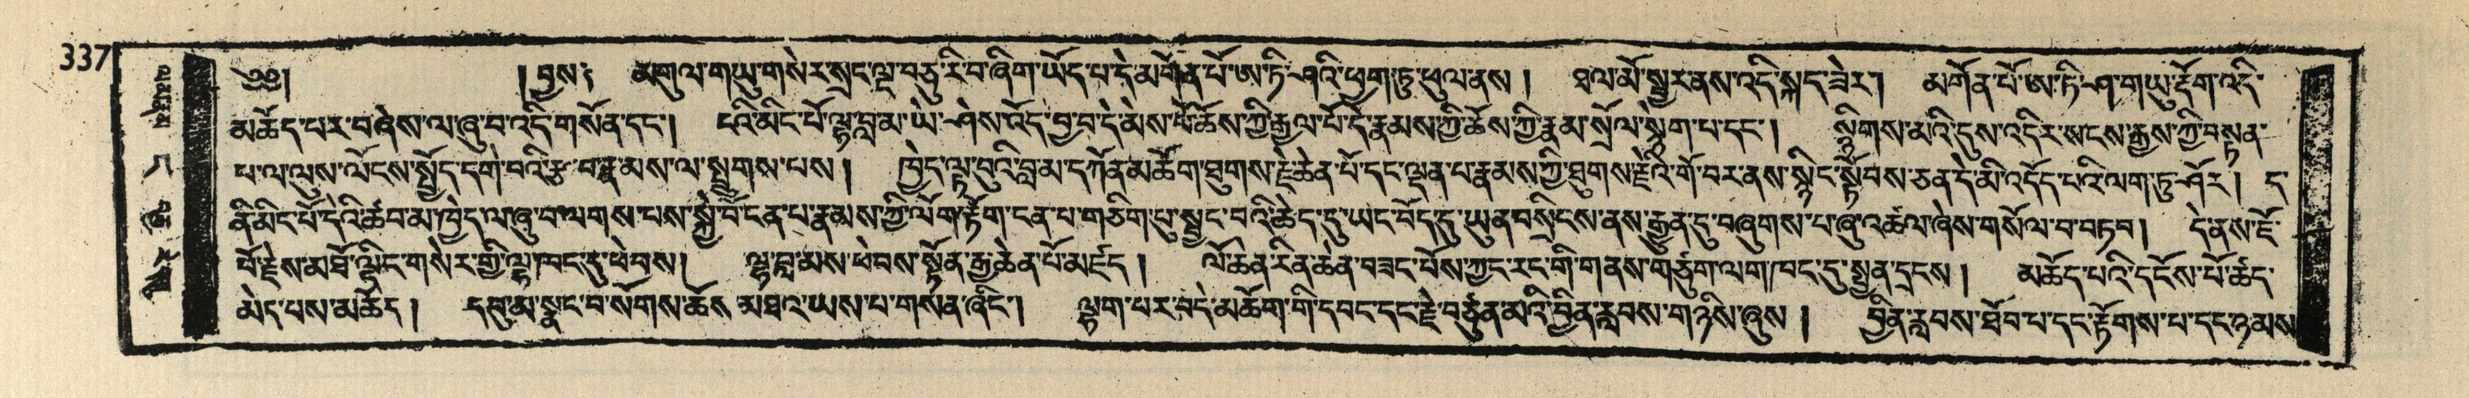༄༅། །བྱས༑ མགུལ་གཡུ་གསེར་སྲང་ལྔ་བཅུ་རི་བ་ཞིག་ཡོད་པ་དེ་མགོན་པོ་ཨ་ཏི་ཤའི་ཕྱག་ཏུ་ཕུལ་ནས། ཐལ་མོ་སྦྱར་ནས་འདི་སྐད་ཟེར། མགོན་པོ་ཨ་ཏི་ཤ་གཡུ་རྡོག་འདི་
མཆོད་པར་བཞེས་ལ་ཞུ་བ་འདི་གསོན་དང་། ངའི་མིང་པོ་ལྷ་བླ་མ་ཡེ་ཤེས་འོད་བྱ་བ་དེ་མེས་པོ་ཆོས་ཀྱི་རྒྱལ་པོ་དེ་རྣམས་ཀྱི་ཆོས་ཀྱི་རྣམ་སྲོལ་སྙེག་པ་དང་། སྙིགས་མའི་དུས་འདིར་སངས་རྒྱས་ཀྱི་བསྟན་
པ་ལ་ལུས་ལོངས་སྤྱོད་དགེ་བའི་རྩ་བ་རྣམས་ལ་སྤྲུགས་པས། ཁྱེད་ལྟ་བུའི་བླ་མ་དཀོན་མཆོག་ཐུགས་རྗེ་ཆེན་པོ་དང་ལྡན་པ་རྣམས་ཀྱི་ཐུགས་རྗེའི་གོ་བར་ནས་སྙིང་སྟོབས་ཅན་དེ་མི་འདོད་པའི་ལག་ཏུ་ཤོར། ད་
ནི་མིང་པོ་དེའི་ཚབ་མ་ཁྱེད་ལ་ཞུ་བ་ལགས་པས་སྐྱེ་བོ་ངན་པ་རྣམས་ཀྱི་ལོག་རྟོག་ངན་པ་གཅིག་ཕུ་སྦྱང་བའི་ཆེད་དུ་ཡང་བོད་དུ་ཡུན་བསྲིངས་ནས་རྒྱུན་དུ་བཞུགས་པ་ཞུ་འཚལ་ཞེས་གསོལ་བ་བཏབ། དེ་ནས་ཇོ་
པོ་རྗེས་མཐོ་ལྡིང་གསེར་གྱི་ལྷ་ཁང་དུ་ཕེབས། ལྷ་བླ་མས་ཕེབས་སྟོན་རྒྱ་ཆེན་པོ་མཛད། ལོ་ཆེན་རིན་ཆེན་བཟང་པོས་ཀྱང་རང་གི་གནས་གཙུག་ལག་ཁང་དུ་སྤྱན་དྲངས། མཆོད་པའི་དངོས་པོ་ཚད་
མེད་པས་མཆོད། དབུ་མ་སྣང་བ་སོགས་ཆོས་མཐའ་ཡས་པ་གསན་ཞིང་། ལྷག་པར་བདེ་མཆོག་གི་དབང་དང་རྗེ་བཙུན་མའི་བྱིན་རླབས་གཉིས་ཞུས། བྱིན་རླབས་ཐོབ་པ་དང་རྟོགས་པ་དང་ཉམས་